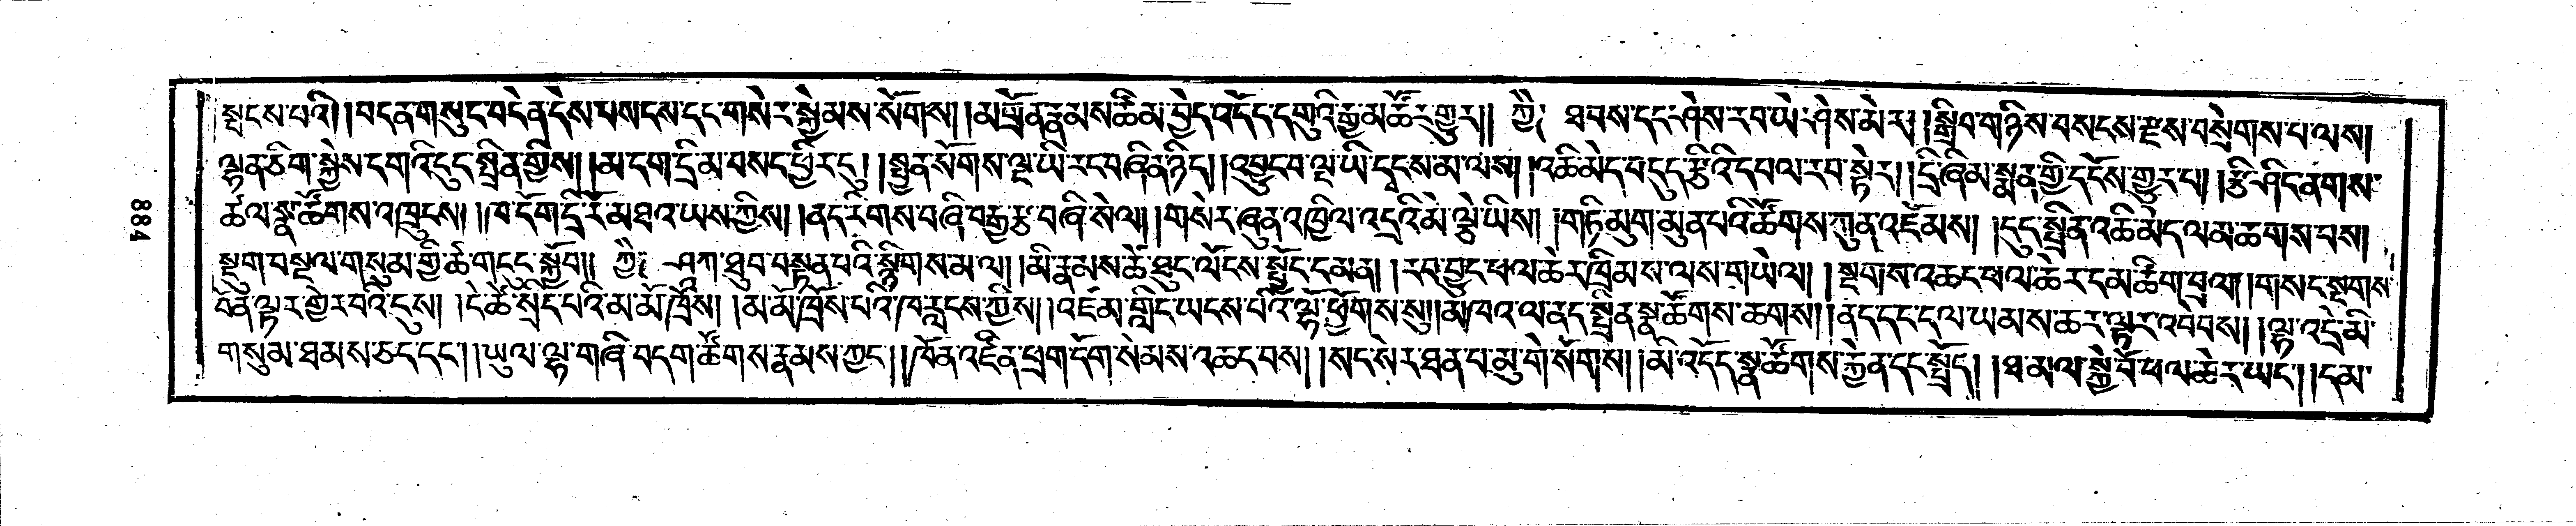སྤངས་པའི། །བདེན་གསུང་བདེན་དེས་བསངས་དང་གསེར་སྐྱེམས་སོགས། །མགྲོན་རྣམས་ཚིམ་བྱེད་འདོད་དགུའི་རྒྱ་མཚོར་གྱུར།། ཀྱཻ། ཐབས་དང་ཤེས་རབ་ཡེ་ཤེས་མེར། །སྒྲིབ་གཉིས་བསངས་རྫས་བསྲེགས་པ་ལས། །
ལྷན་ཅིག་སྐྱེས་དགའི་དུད་སྤྲིན་གྱིས། །མ་དག་དྲི་མ་བསང་ཕྱིར་དུ། །སྤྱན་སོགས་ལྔ་ཡི་རང་བཞིན་ཉིད། །འབྱུང་བ་ལྔ་ཡི་དྭངས་མ་ལས། །འཆི་མེད་བདུད་རྩིའི་དཔལ་རབ་སྟེར། །དྲི་ཞིམ་སྨན་གྱི་དངོས་གྱུར་པ། །རྩི་ཤིང་ནགས་
ཚལ་སྣ་ཚོགས་འཁྲུངས། །ཁ་དོག་དྲི་རོ་མཐའ་ཡས་ཀྱིས། །ནད་རིགས་བཞི་བརྒྱ་རྩ་བཞི་སེལ། །གསེར་ཞུན་འཁྱིལ་འདྲའི་མེ་ལྕེ་ཡིས། །གཏི་མུག་མུན་པའི་ཚོགས་ཀུན་འཇོམས། །དུད་སྤྲིན་འཆི་མེད་ལམ་ཆགས་པས། །
སྡུག་བསྔལ་གསུམ་གྱི་ཚ་གདུང་སྐྱོབ།། ཀྱཻ། ཤཱཀ་ཐུབ་བསྟན་པའི་སྙིགས་མ་ལ། །མི་རྣམས་ཚེ་ཐུང་ལོངས་སྤྱོད་དམན། །རབ་བྱུང་ཕལ་ཆེར་ཁྲིམས་ལས་གཡེལ། །སྔགས་འཆང་ཕལ་ཆེར་དམ་ཚིག་བྲལ། །གསང་སྔགས་
བོན་ལྟར་གྱེར་བའི་དུས། །དེ་ཚེ་སྲིད་པའི་མ་མོ་ཁྲོས། །མ་མོ་ཁྲོས་པའི་ཁ་རླངས་ཀྱིས། །འཛམ་གླིང་ཡངས་པའི་ལྷོ་ཕྱོགས་སུ། །མཁའ་ལ་ནད་སྤྲིན་སྣ་ཚོགས་ཆགས། །ནད་དང་དལ་ཡམས་ཆར་ལྟར་འབེབས། །ལྷ་འདྲེ་མི་
གསུམ་ཐམས་ཅད་དང་། །ཡུལ་ལྷ་གཞི་བདག་ཚོགས་རྣམས་ཀྱང་། །ཁོན་འཛིན་ཕྲག་དོག་སེམས་འཆང་བས། །སད་སེར་ཐན་པ་མུ་གེ་སོགས། །མི་འདོད་སྣ་ཚོགས་རྐྱེན་དང་སྤྲོད། །ཐ་མལ་སྐྱེ་བོ་ཕལ་ཆེར་ཡང་། །དམ་